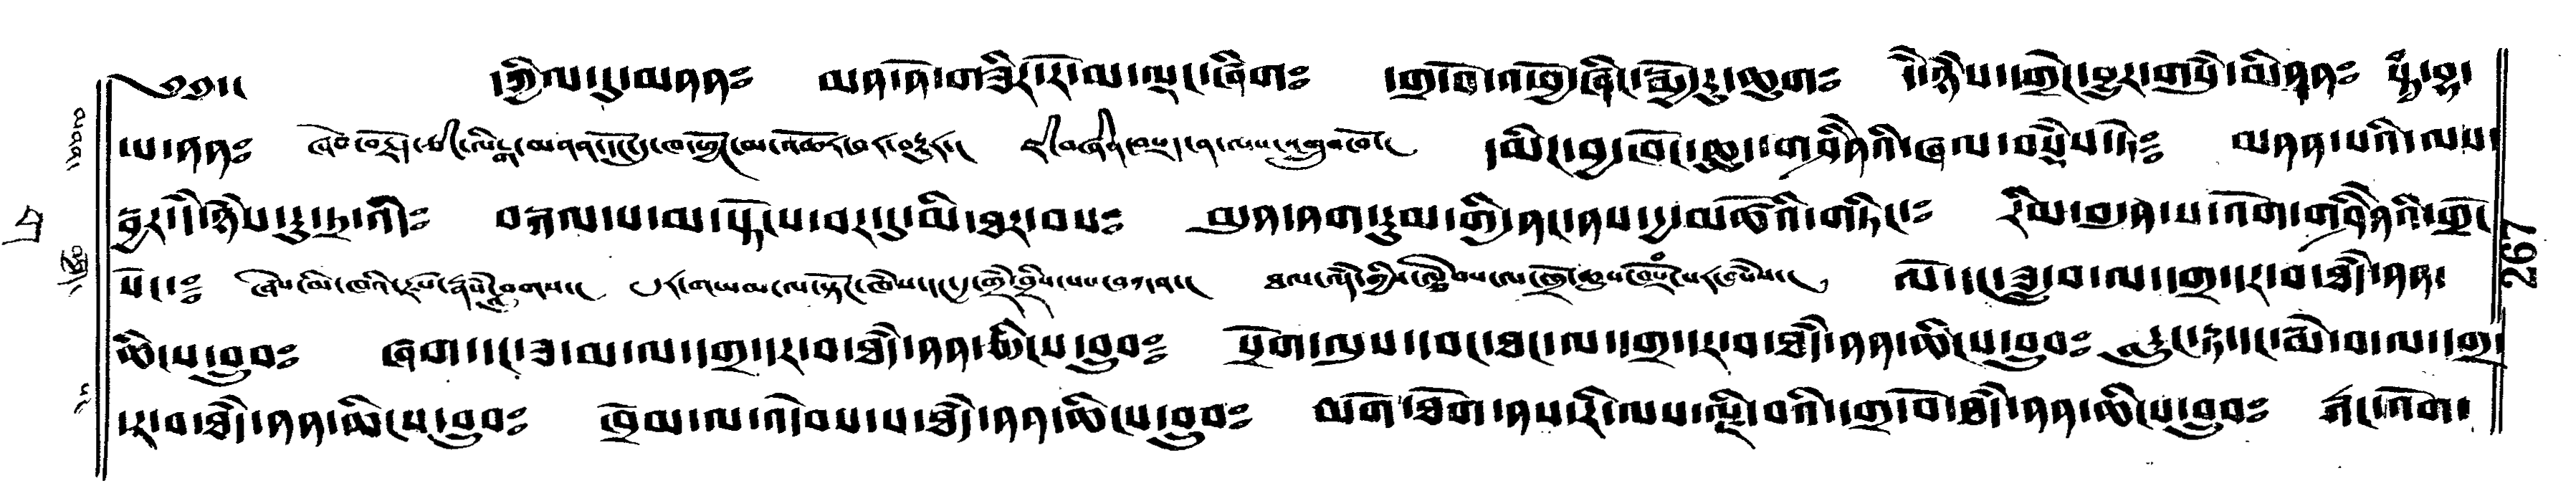དཀྱིལ་དུ་མནནཿ མནན་ནོ་གཟིར་རོ་མ་ལྡང་ཞིགཿ དགྲ་བོ་འཕྱོ་ཞིང་སྨྱོ་རུ་ཆུགསཿ དམ་ཉམས་དགྲ་བགེགས་བྱུར་གསུམ་མནནཿ སྟྭཾ་བྷ་
ཡ་ནནཿ ཞེས་བརྗོད་ཅིང་ལིང་ག་མནན་དོང་དུ་ཁ་ཕྱོགས་མ་འཆོར་བར་སྒྱུར། ཇི་བཞིན་བསྡད་ན་ལས་འགྲུབ་པོ། དམིགས་བྱ་ཁོང་ཆུད་གཤིན་རྗེའི་ཞལ་བསྡམས་ཏེ༔ མནན་པའི་ལས་
སྦྱར་དམ་ཉམས་རུ་ཏྲ་འདིཿ བསྐལ་པ་མ་སྟོངས་བར་དུ་མི་ཐར་བསཿ མུན་ནག་རུམ་གྱི་ནང་ནས་རྒྱ་མཚོའི་གཏིངཿ རིམ་བདུན་ས་འོག་གཤིན་རྗེའི་གྲོང་དུ་
སོངཿ ཞེས་མི་ཁའི་རྫས་རྣམས་བླུགས། དུར་གཡམ་ལ་སྟོང་ཁམས་དང་རྒྱ་གྲམ་བྲིས་པས་བཀན། ཐལ་འདམ་གྱིས་ལྕིབས་ལ་ཁྲོ་ཆུས་བསྡམས་པར་བསམས། ལོ་དང་ཟླ་བ་ལ་དགྲ་དར་བ་ཐམས་ཅད་ནན་
ཆིངས་བྲུབསཿ ཞག་དང་ཟ་མ་ལ་དགྲ་དར་བ་ཐམས་ཅད་ནན་ཆིངས་བྲུབསཿ སྲོག་ལུས་དབང་ཐང་ལ་དགྲ་དར་བ་ཐམས་ཅད་ནན་ཆིངས་བྲུབསཿ རླུང་རྟ་དང་སྨེ་བ་ལ་དགྲ་
དར་བ་ཐམས་ཅད་ནན་ཆིངས་བྲུབསཿ ཁྲོམ་ལ་འདེབས་པ་ཐམས་ཅད་ནན་ཆིངས་བྲུབསཿ མགོ་ཐོག་ནས་རི་ལས་ལྗི་དཔའི་དགྲ་བོ་ཐམས་ཅད་ནན་ཆིངས་བྲུབསཿ རྐང་འོག་